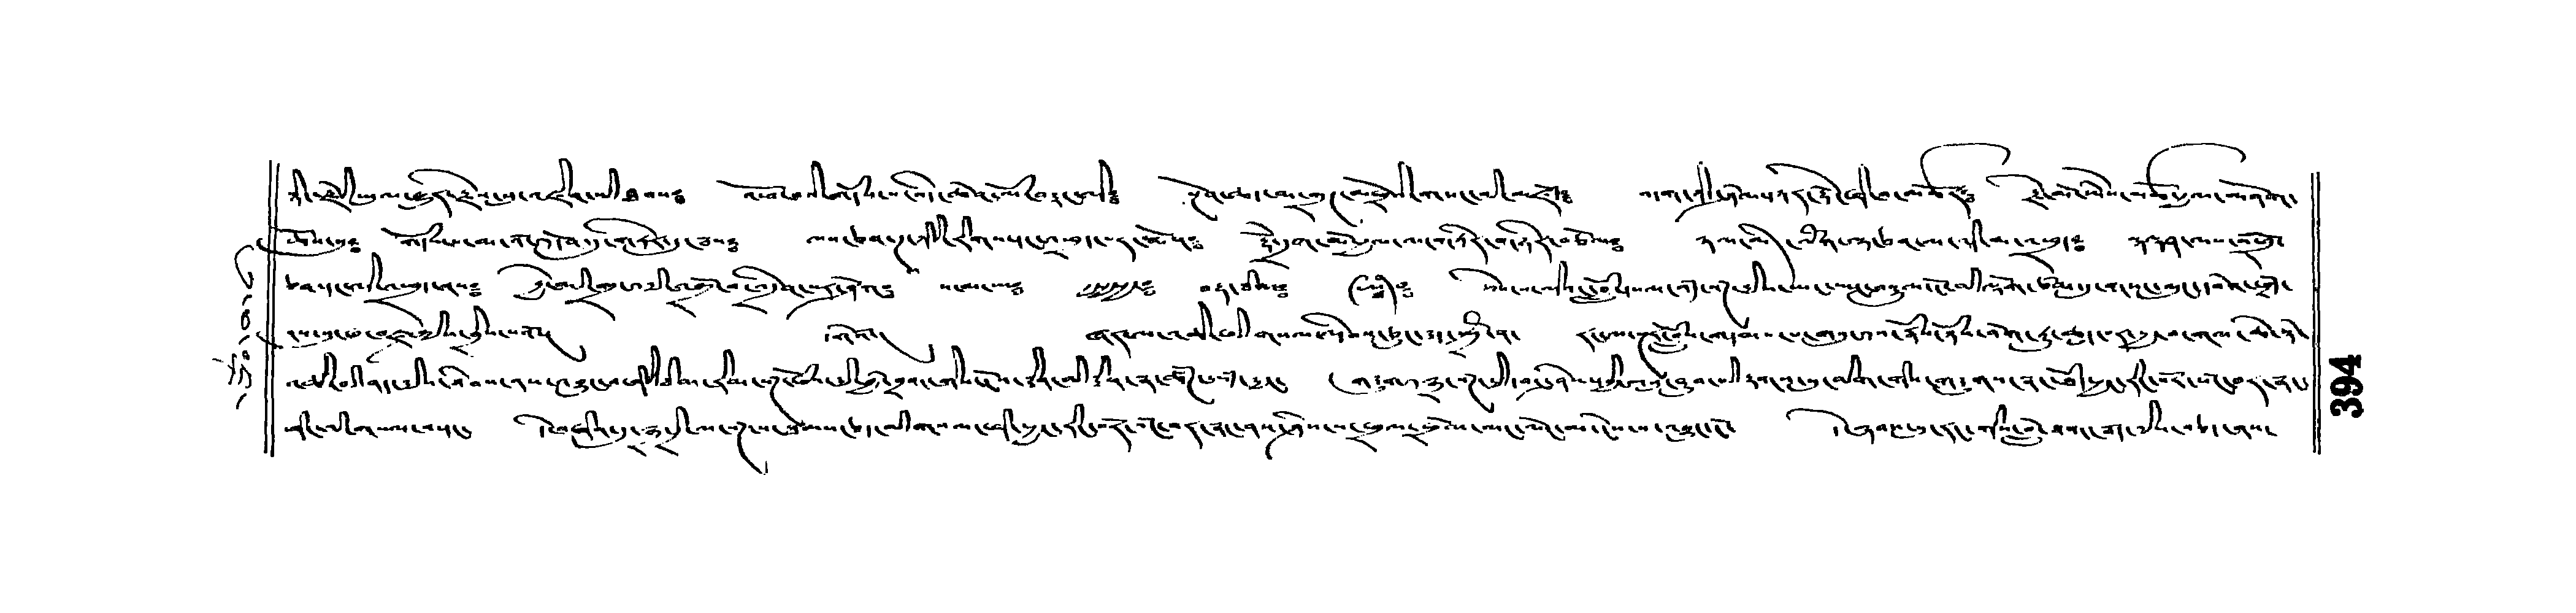སྙིང་རྗེའི་ཡུལ་གྱུར་རྗེས་སུ་འཛིན་པའི་ཐབས༔ འཕོ་བའི་གདམས་པ་བདེ་ཆེན་ལམ་བཟང་འདི༔ སྔོན་ཆད་མ་གྲགས་མཁའ་འགྲོའི་གསང་བའི་མཛོད༔ བདག་ཉིད་ཤེལ་དཀར་རྡོ་རྗེ་ཞི་བ་མཚོར༔ རྗེ་མོ་ཡེ་ཤེས་མཚོ་རྒྱལ་མནོག་
ཆོས་སུ༔ གདམས་པ་མ་འོངས་དོན་དུ་གཏེར་དུ་སྦས༔ ལས་ཅན་ཌཱ་ཀིའི་རིགས་དང་འཕྲད་པར་སྨོན༔ རྡོ་རྗེ་དྲག་མོ་རྒྱལ་ལ་གཏེར་གཉེར་བཅོལ༔ སྐལ་མེད་ལོག་ལྟ་ཅན་ལ་འདི་མ་འཕྲད༔ སྐལ་ལྡན་ལས་འཕྲོ་
ཅན་དང་འདི་འཕྲད་ནས༔ བྱེ་མའི་གྲངས་ཀྱི་འགྲོ་བ་འདྲེན་པར་ཤོག༔ ས་མ་ཡ༔ རྒྱ་རྒྱ་རྒྱ༔ བརྡ་ཐིམ༔ ༔ ཅེས་པ་འདིའང་བླ་མ་དཔལ་འོད་སོགས་ཀྱི་ཡང་ཡང་བསྐུལ་ངོ་མ་ལྡོག་ཙམ་དུ་གསང་ལུང་དབེན་ཁྲོད་
ནས་སུ་ཁ་བཛྲ་གྱིས་བརིས་པའོ།། ཞར་ལ་འཆི་ཁའི་གསལ་འདེབས་ཆུང་ཟད་སྤྲོ་ན། རང་ལ་སྔར་བླ་མས་གདམས་པ་གསུངས་པ་རྣམས་ཉམས་འོག་ཏུ་ཆུད་པར་བྱ་བ་གལ་ཆེ་སྟེ་
འཆི་བའི་ནད་ཀྱིས་ཐེབས་ནས་འབྱུང་བཞིའི་ཐིམ་རིམ་སོགས་ཁམས་ཀྱི་བྱེ་བྲག་གིས་ངོས་ཟིན་མི་ཟིན་སྣ་ཚོགས་ཡོད་ཀྱང༔ གཟུགས་སྒྲ་སོགས་ཀྱི་དབང་ཤེས་དབྱིངས་སུ་ནུབ་པའི་རྟགས་སུ་མིག་གིས་གཟུགས་སྣང་ཐམས་ཅད་རྒྱང་རིང་པོར་སོང་བར་སྣང་
ཞིང་མི་གསལ་བ་དང༔དེ་བཞིན་དུ་སྒྲ་དྲི་ལ་སོགས་པ་ཐམས་ཅད་མི་གསལ་ཞིང་རྒྱང་རིང་པོར་སོང་བར་སྣང་ནས་ཤེས་པ་ཕྲལ་ཕྲོལ་ལང་ལོང་མ་ངེས་པ་འབྱུང་ངོཿ དེ་སྐབས་སུ་རང་གིས་བློ་ཐག་རྦད་ཀྱིས་བཅད་ནས་